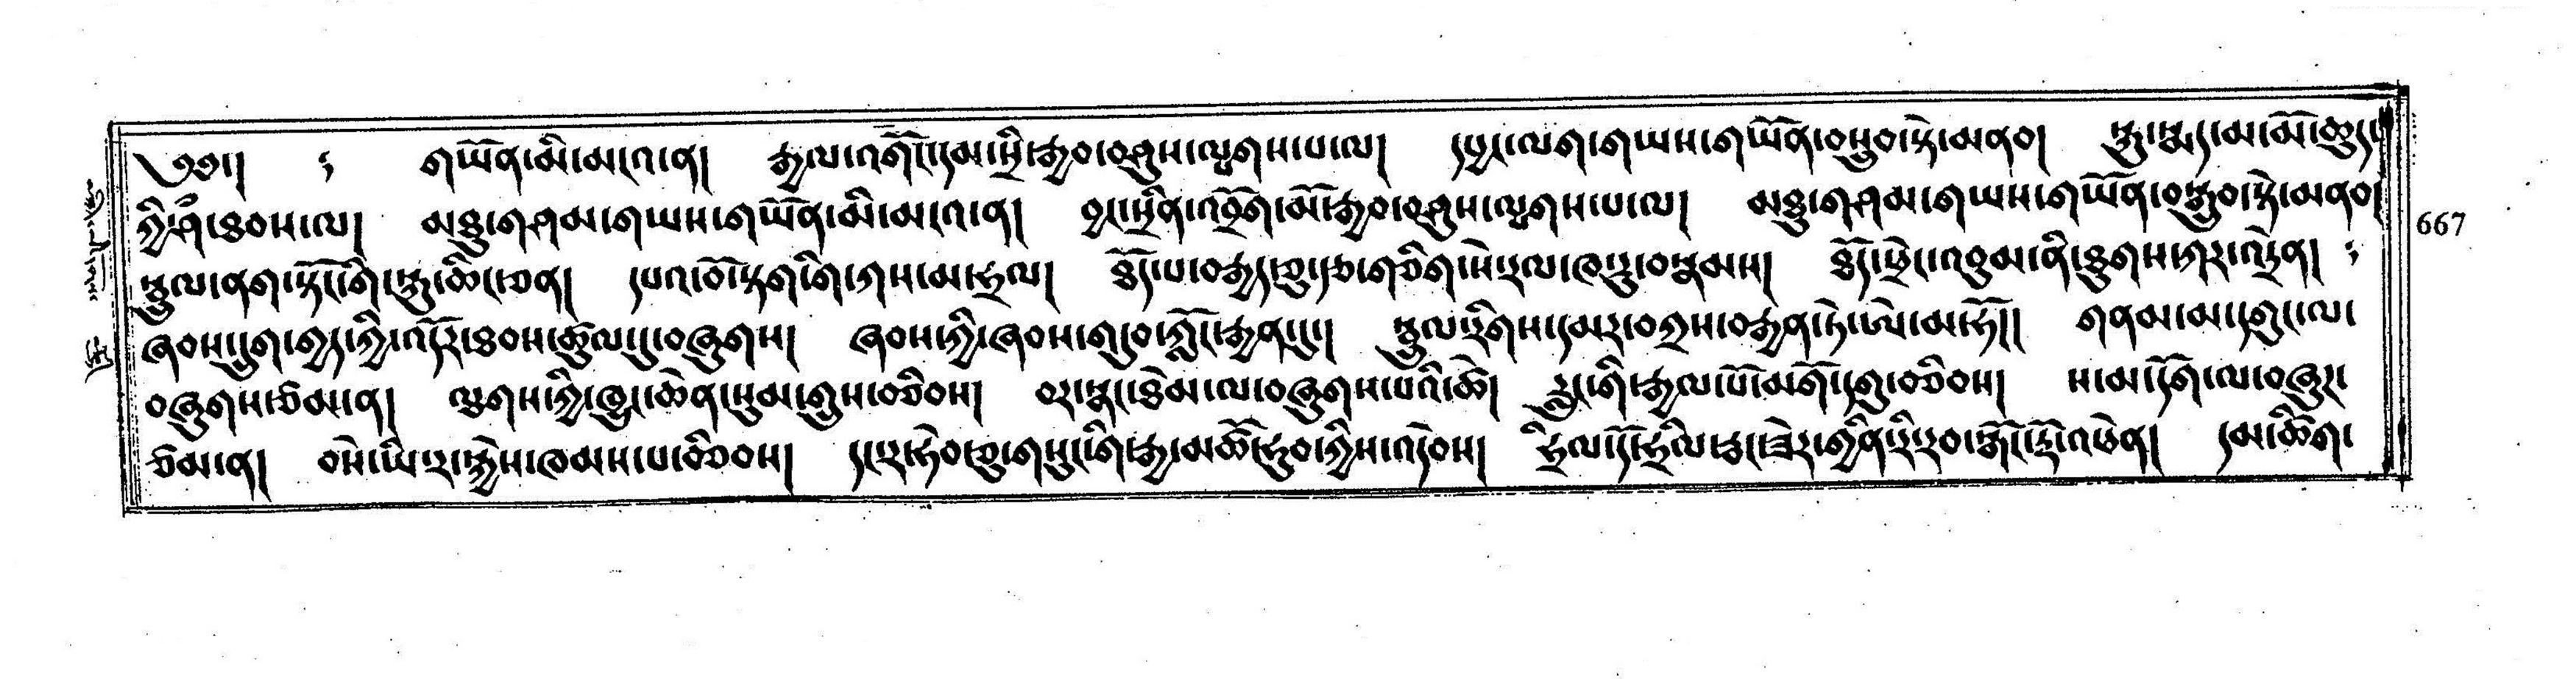གཡོན་མི་མངའ་ན། རྒྱལ་འགོང་དམ་སྲི་རྒྱབ་བཤུས་ལྤགས་པ་ལ། དཔྱང་ལག་གཡས་གཡོན་བསྲུབ་སྟེ་མནབ། སྐུ་སྨད་མ་མོ་ཆུད་
ཀྱི་ཤམ་ཐབས་ལ། མཐུ་གཤམ་གཡས་གཡོན་མི་མངའ་ན། བྱང་སྲིན་འབྲོག་མོ་རྒྱབ་བཤུས་ལྤགས་པ་ལ། མཐུ་གཤམ་གཡས་གཡོན་བསྒྲུབ་སྟེ་མནབ། 
སྦྲུལ་ནག་སྟོང་གི་སྐུ་ཆིང་ཅན། དཔའ་བོ་སྟག་གི་ཀས་མ་ཧྲལ། ཐོད་པ་བརྒྱད་ཅུ་རྩ་གཅིག་སེ་རལ་ཁ་རུ་བསྣམས། ཐོད་ཕྲེང་འབུམ་ནི་ཐུགས་ཀར་འདྲེན། 
ཞབས་དྲུག་གྱད་ཀྱི་འདོར་ཐབས་ཚུལ་དུ་བཞུགས། ཞབས་ཀྱི་ཞབས་གདུབ་ཀློང་རྒྱན་དུ། སྦྲུལ་རིགས་དམར་བཀྲས་བརྒྱན་ཏེ་ཨེ་མ་ཧོ།། གནམ་མ་དགུང་ལ་
བཞུགས་ཙམ་ན། ལྕགས་ཀྱི་ཁྱུང་ཆེན་སུམ་གྲུས་བཅིབས། བར་སྣང་ཐེམ་ལ་བཞུགས་པའི་ཚེ། རླུང་གི་རྒྱལ་པོ་མགོ་དགུ་བཅིབས། ས་མ་དོག་ལ་བཞུགས་
ཙམ་ན། བསེ་ཡི་ར་སྐྱེས་ཁམས་པ་བཅིབས། དང་ར་ཧེབ་ཅུ་གསུང་གི་རྒྱ་མཚོ་ཧུབ་ཀྱིས་འདེབས། ཧྲིལ་དོ་ཧྲིལ་རྦང་ཟེར་གྱིན་རི་རབ་སྒོང་རྡོ་འཕེན། དམ་ཚིག་